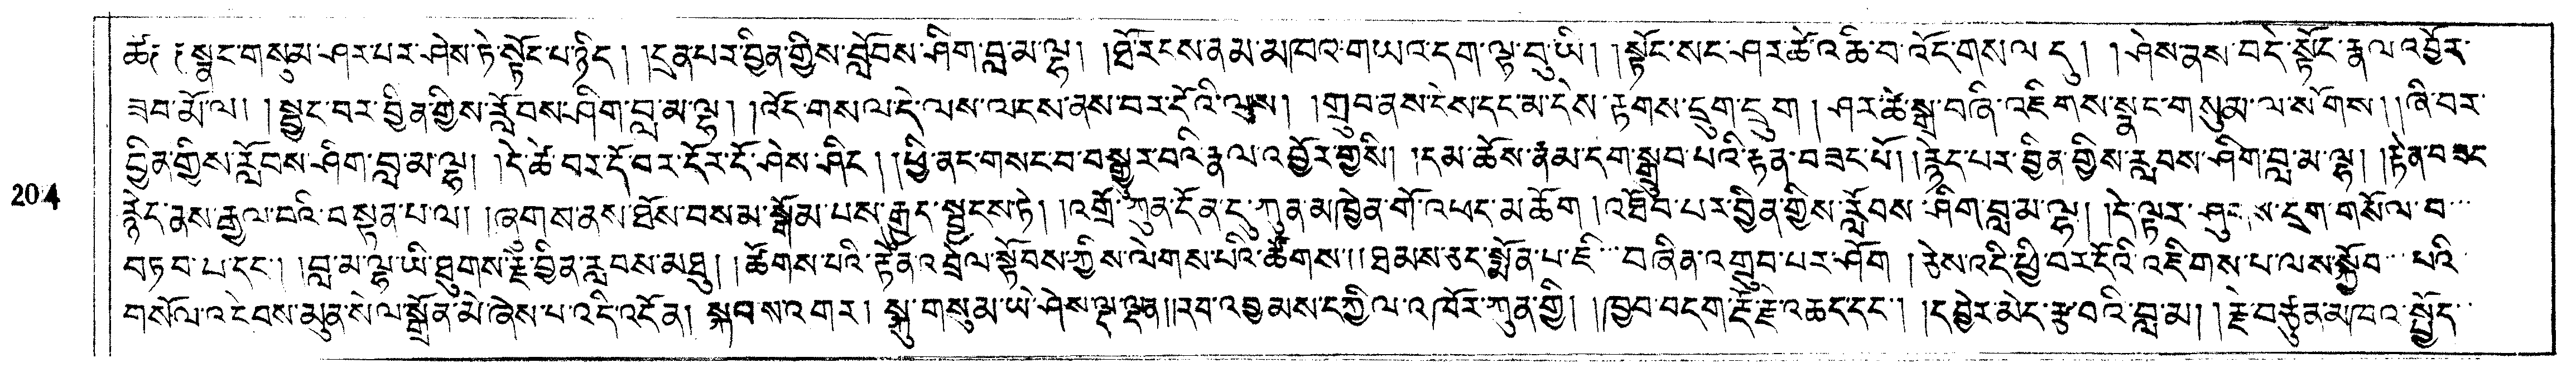ཚེ༑ ༑སྣང་གསུམ་ཤར་བར་ཤེས་ཏེ་སྟོང་པ་ཉིད། །དྲན་པར་བྱིན་གྱིས་རློབས་ཤིག་བླ་མ་ལྷ། །ཐོར་ངས་ནམ་མཁའ་གཡའ་དག་ལྟ་བུ་ཡི། །སྟོང་སང་ཤར་ཚེ་འཆི་བ་འོད་གསལ་དུ། །ཤེས་ནས་བདེ་སྟོང་རྣལ་འབྱོར་
ཟབ་མོ་ལ། །སྦྱོར་བར་བྱིན་གྱིས་རློབས་ཤིག་བླ་མ་ལྷ། །འོད་གསལ་དེ་ལས་ལངས་ནས་བར་དོའི་ལུས། །གྲུབ་ནས་ངེས་དང་མ་ངེས་རྟགས་དྲུག་དྲུག །ཤར་ཚེ་སྒྲ་བཞི་འཇིགས་སྣང་གསུམ་ལ་སོགས། །ཞི་བར་
བྱིན་གྱིས་རློབས་ཤིག་བླ་མ་ལྷ། །དེ་ཚེ་བར་ངོ་བར་དོར་ངོ་ཤེས་ཤིང་། །ཕྱི་ནང་གསང་བ་བསྒྱུར་བའི་རྣལ་འབྱོར་གྱིས། །དམ་ཆོས་རྣམ་དག་སྒྲུབ་པའི་རྟེན་བཟང་པོ། །རྙེད་པར་བྱིན་གྱིས་རློབས་ཤིག་བླ་མ་ལྷ། །རྟེན་བཟང་
རྙེད་ནས་རྒྱལ་བའི་བསྟན་པ་ལ། །ཞུགས་ནས་ཐོས་བསམ་སྒོམ་པས་རྒྱུད་སྦྱངས་ཏེ། །འགྲོ་ཀུན་དོན་དུ་ཀུན་མཁྱེན་གོ་འཕང་མཆོག །འཐོབ་པར་བྱིན་གྱིས་རློབས་ཤིག་བླ་མ་ལྷ། །དེ་ལྟར་ཤུགས་དྲག་གསོལ་བ་
བཏབ་པ་དང་། །བླ་མ་ལྷ་ཡི་ཐུགས་རྗེ་བྱིན་རླབས་མཐུ། །ཚོགས་པའི་རྟེན་འབྲེལ་སྟོབས་ཀྱིས་ལེགས་པའི་ཚོགས། །ཐམས་ཅད་སྨོན་པ་ཇི་བཞིན་འགྲུབ་པར་ཤོག །ཅེས་འདི་ཕྱི་བར་དོའི་འཇིགས་པ་ལས་སྐྱོབ་པའི་
གསོལ་འདེབས་མུན་སེལ་སྒྲོན་མེ་ཞེས་པ་འདི་འདོན། སྐབས་འགར། སྐུ་གསུམ་ཡེ་ཤེས་ལྔ་ལྡན། །རབ་འབྱམས་དཀྱིལ་འཁོར་ཀུན་གྱི། །ཁྱབ་བདག་རྡོ་རྗེ་འཆང་དང་། །དབྱེར་མེད་རྩ་བའི་བླ་མ། །རྗེ་བཙུན་མཁའ་སྤྱོད་